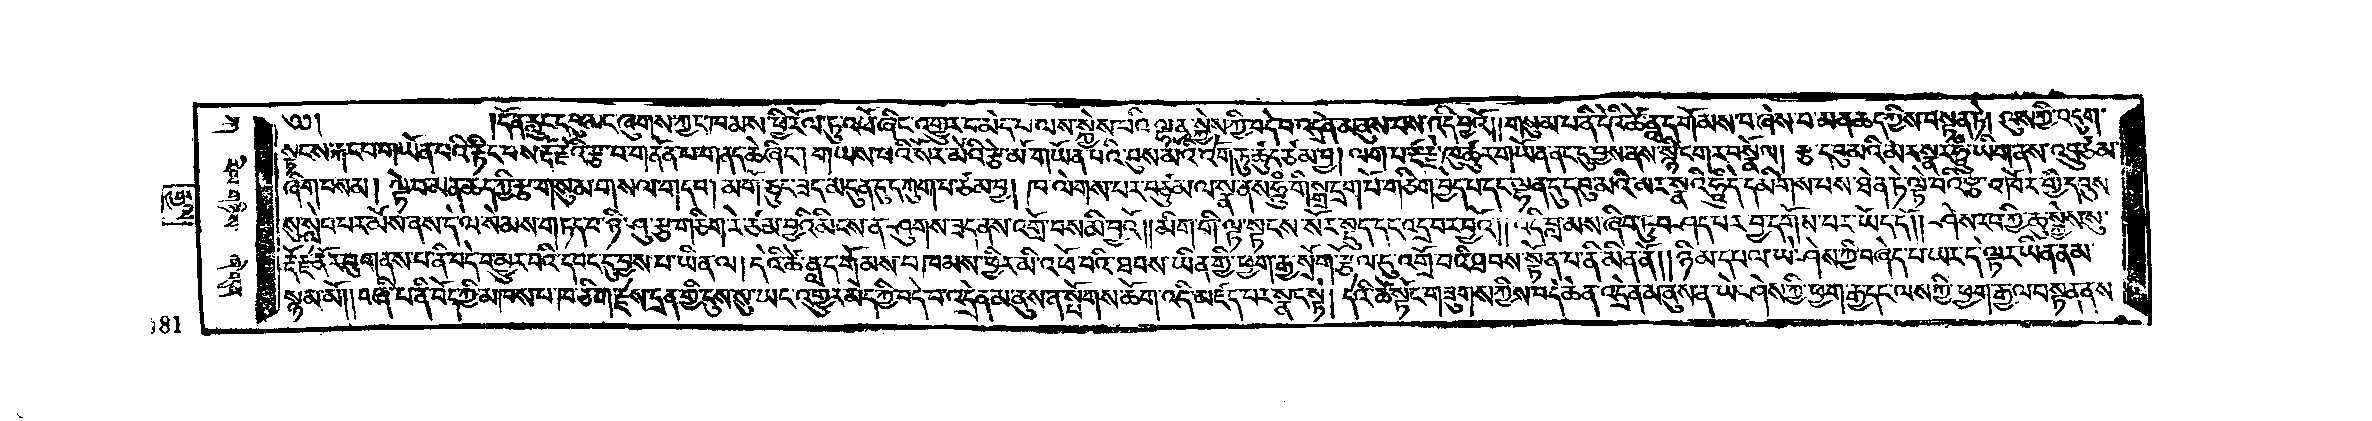༄༅། །དོན་རླུང་དབུ་མར་ཞུགས་ཀྱང་ཁམས་ཕྱི་རོལ་ཏུ་འཕོ་ཞིང་འགྱུར་བ་མེད་པ་ལས་སྐྱེས་པའི་ལྷན་སྐྱེས་ཀྱི་བདེ་བ་འདྲེན་མ་ནུས་པས་འདི་བྱའོ། །གསུམ་པ་ནི་དེའི་ཚེ་ནཱ་དགོམས་པ་ཞེས་པ་མན་ཆད་ཀྱིས་བསྟན་ཏེ། ལུས་ཀྱི་འདུག་
སྟངས་རྐང་པ་གཡོན་པའི་རྟིང་བས་རྡོ་རྗེའི་རྩ་བ་གནོན་པ་གནད་ཆེ་ཞིང་། གཡས་པའི་སོར་མོའི་རྩེ་མོ་གཡོན་པའི་བུས་མོའི་འོག་ཏུ་ཚུད་ཙམ་བྱ། ལག་པ་རྡོ་རྗེ་ཁུ་ཚུར་གཡོན་ནང་དུ་བྱས་ནས་སྙིང་གར་བསྣོལ། རྩ་དབུ་མའི་མར་སྣར་ཧཱུཾ་ཡིག་ནས་འབྲུ་ཙམ་
ཞིག་བསམ། ལྟེ་བ་མན་ཆད་ཀྱི་རྩ་གསུམ་གསལ་གདབ། མགོ་ཅུང་ཟད་མདུན་དུ་དཀུག་པ་ཙམ་བྱ། ཁ་ལེགས་པར་བཙུམ་ལ་སྣ་ནས་ཧཱུཾ་གི་སྒྲ་དྲག་པོ་གཅིག་བྱེད་པ་དང་ལྷན་དུ་དབུ་མའི་མར་སྣའི་ཧཱུཾ་དེ་དམིགས་པས་ཐེན་ཏེ་ལྟེ་བའི་རྩ་འཁོར་གྱི་དབུས་
སུ་སླེབ་པར་མོས་ནས་དེ་ལ་སེམས་གཏད་པ་ཉི་ཤུ་རྩ་གཅིག་རེ་ཙམ་བྱའི་མིངས་ན་ཤུགས་ཟད་ནས་འགྲོ་བས་མི་བྱའོ། །མིག་གི་ལྟ་སྟངས་སོར་སྡུད་དང་འདྲ་བར་བྱའོ། །འདི་བླ་མས་ཞིབ་ཏུ་བཤད་པར་བྱ་དགོས་པར་ཡོད་དོ། །ཤེས་རབ་ཀྱི་ཆུ་སྐྱེས་སུ་
རྡོ་རྗེ་ནོར་བུ་གནས་པ་ནི་བདེ་བ་མྱུར་བའི་དབང་དུ་བྱས་པ་ཡིན་ལ། དེའི་ཚེ་ནཱ་དགོམས་པ་ཁམས་ཕྱིར་མི་འཕོ་བའི་ཐབས་ཡིན་གྱི་ཕྱག་རྒྱ་སྲོག་རྩོལ་དུ་འགྲོ་བའི་ཐབས་སྟོན་པ་ནི་མིན་ནོ། །ཉི་མ་དཔལ་ཡེ་ཤེས་ཀྱི་བཞེད་པ་ཡང་དེ་ལྟར་ཡིན་ནམ་
སྙམ་མོ། །བཞི་པ་ནི་བོད་ཀྱི་མཁས་པ་ཁ་ཅིག་རྗེས་དྲན་གྱི་དུས་སུ་ཡང་འགྱུར་མེད་ཀྱི་བདེ་བ་འདྲེན་མ་ནུས་ན་སྤོགས་ཆོག་འདི་མཛད་པར་སྣང་སྟེ། དེའི་ཚེ་སྟོང་གཟུགས་ཀྱིས་བདེ་ཆེན་འདྲེན་མ་ནུས་ན་ཡེ་ཤེས་ཀྱི་ཕྱག་རྒྱ་དང་ལས་ཀྱི་ཕྱག་རྒྱ་ལ་བསྟན་ནས་